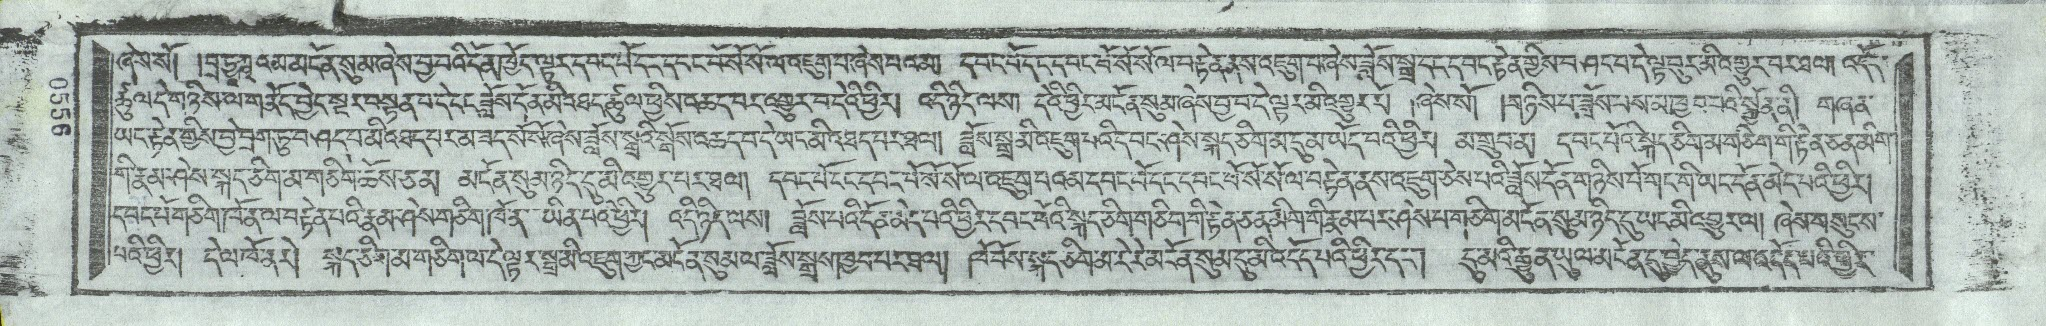ཞེས་སོ། །པྲ་ཏྱཱཀྵ་འམ་མངོན་སུམ་ཞེས་བྱ་བའི་དོན་ཁྱོད་ལྟར་དབང་པོ་དང་དབང་པོ་སོ་སོ་ལ་འཇུག་པ་ཞེས་པའམ། དབང་པོ་དང་དབང་པོ་སོ་སོ་ལ་བརྟེན་ནས་འཇུག་པ་ཞེས་ཟློས་སྒྲ་དང་དབང་རྟེན་གྱིས་བཤད་པ་དེ་ལྟ་བུར་མི་འགྱུར་བར་ཐལ། འདོད་
ཚུལ་དེ་གཉིས་ལ་གནོད་བྱེད་སྔར་བསྟན་པ་དེ་དང་ཟློས་དོན་མི་འཐད་ཚུལ་ཕྱིས་འཆད་པར་འགྱུར་བ་དེའི་ཕྱིར། འདི་ཉིད་ལས། དེའི་ཕྱིར་མངོན་སུམ་ཞེས་བྱ་བ་དེ་ལྟར་མི་འགྱུར་རོ། །ཞེས་སོ། །གཉིས་པ་ཟློས་པས་མ་ཁྱབ་པའི་སྐྱོན་ནི། གཞན་
ཡང་རྟེན་གྱིས་བྱེ་བྲག་ཏུ་བཤད་པ་མི་འཐད་པར་མ་ཟད་སོ་སོ་ཞེས་ཟློས་སྒྲའི་སྒོས་འཆད་པ་དེ་ཡང་མི་འཐད་པར་ཐལ། ཟློས་སྒྲ་མི་འཇུག་པའི་དབང་ཤེས་སྐད་ཅིག་མ་དུ་མ་ཡོད་པའི་ཕྱིར། མ་གྲུབ་ན། དབང་པོའི་སྐད་ཅིག་མ་གཅིག་གི་རྟེན་ཅན་མིག་
གི་རྣམ་ཤེས་སྐད་ཅིག་མ་གཅིག་ཆོས་ཅན། མངོན་སུམ་ཉིད་དུ་མི་འགྱུར་པར་ཐལ། དབང་པོ་དང་དབང་པོ་སོ་སོ་ལ་འཇུག་པའམ་དབང་པོ་དང་དབང་པོ་སོ་སོ་ལ་བརྟེན་ནས་འཇུག་ཅེས་པའི་ཟློས་དོན་གཉིས་པོ་གང་གི་ཡང་དོན་མེད་པའི་ཕྱིར།
དབང་པོ་གཅིག་ཁོ་ན་ལ་བརྟེན་པའི་རྣམ་ཤེས་གཅིག་ཁོ་ན་ཡིན་པའི་ཕྱིར། འདི་ཉིད་ལས། ཟློས་པའི་དོན་མེད་པའི་ཕྱིར་དབང་པོའི་སྐད་ཅིག་གཅིག་གི་རྟེན་ཅན་མིག་གི་རྣམ་པར་ཤེས་པ་གཅིག་མངོན་སུམ་ཉིད་དུ་ཡང་མི་འགྱུར་ལ། ཞེས་གསུངས་
པའི་ཕྱིར། དེ་ལ་ཁོ་ན་རེ། སྐད་ཅིག་མ་གཅིག་ལ་དེ་ལྟར་སྒྲ་མི་འཇུག་ཀྱང་མངོན་སུམ་ལ་ཟློས་སྒྲས་ཁྱབ་པར་ཐལ། ཁོ་བོས་སྐད་ཅིག་མ་རེ་རེ་མངོན་སུམ་དུ་མི་འདོད་པའི་ཕྱིར་དང་། དུ་མའི་རྒྱུན་ཡུལ་མངོན་དུ་བྱེད་ནུས་ལ་འདོད་པའི་ཕྱིར་